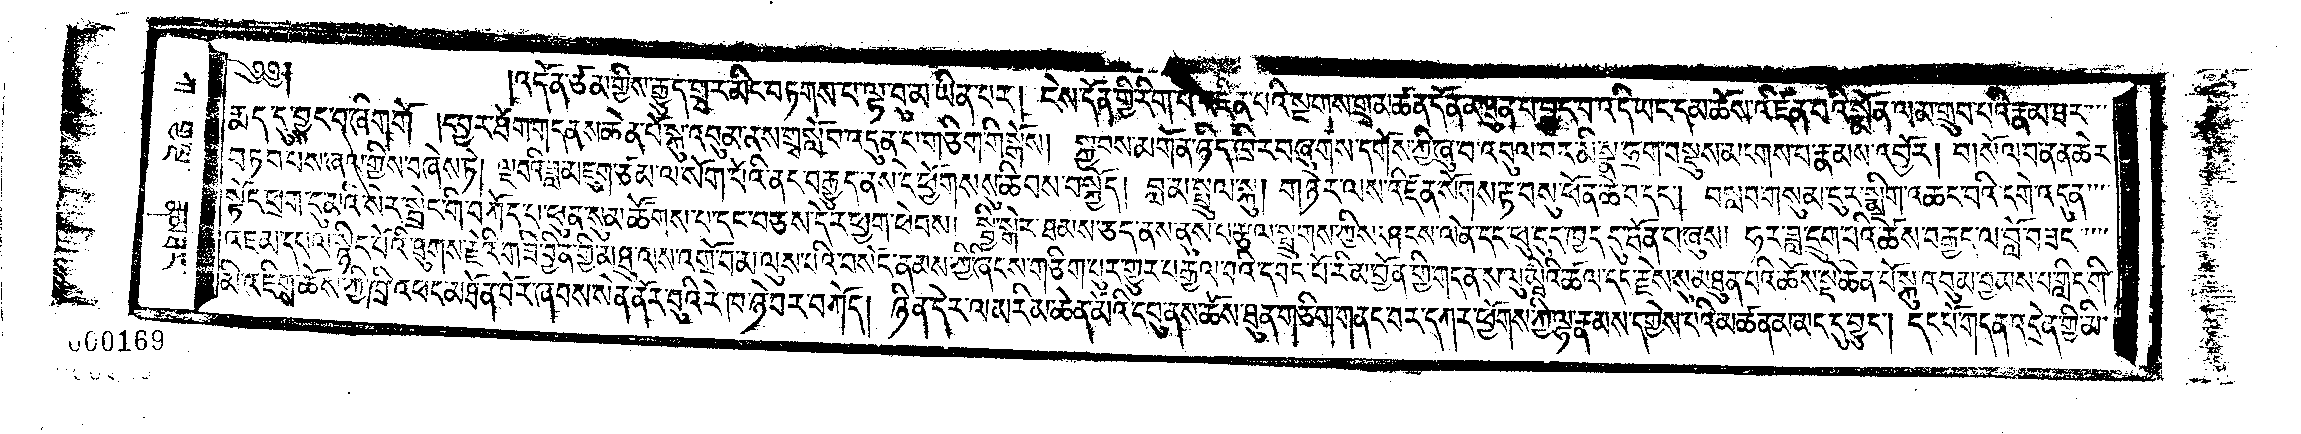༄༅། །འདོན་ཙམ་གྱིས་རྒྱུད་གྲྭར་མིང་བཏགས་པ་ལྟ་བུ་མ་ཡིན་པར། ངེས་དོན་གྱི་རིག་པ་འཛིན་པའི་སྔགས་གྲྭ་མཚན་དོན་མཐུན་པ་བྱུང་བ་འདི་ཡང་དམ་ཆོས་འཛིན་པའི་སྨོན་ལམ་གྲུབ་པའི་རྣམ་ཐར་
རྨད་དུ་བྱུང་བ་ཞིག་གོ །དབྱར་ཐོག་གདན་ས་ཆེན་པོ་སྐུ་འབུམ་ནས་གྲྭ་སློབ་འདུན་པ་གཅིག་གི་སྒོས། སྐྱབས་མགོན་ཉིད་ཁྲིར་བཞུགས་དགོས་ཀྱི་ཞུ་བ་འབུལ་བར་མི་སྣ་ཧྲག་བསྡུས་མངགས་པ་རྣམས་འབྱོར། གསོལ་བ་ནན་ཆེར་
བཏབ་པས་ཞལ་གྱིས་བཞེས་ཏེ། ལྔ་པའི་ཟླ་མཇུག་ཙམ་ལ་སོག་པོའི་ནང་བརྒྱུད་ནས་དེ་ཕྱོགས་སུ་ཆི་བས་བསྐྱོད། བླ་མ་སྤྲུལ་སྐུ། གཉེར་ལས་འཛིན་སོགས་རྟ་བསུ་ཕོན་ཆེ་བ་དང་། བསླབ་གསུམ་ངུར་སྨྲིག་འཆང་བའི་དགེ་འདུན་
སྟོང་ཕྲག་དུ་མའི་སེར་སྦྲེང་གི་བཀོད་པ་ཕུན་སུམ་ཚོགས་པ་དང་བཅས་དེར་ཕྱག་ཕེབས། སྤྱི་སྒེར་ཐམས་ཅད་ནས་ནུས་པ་རྩལ་སྤྲུགས་ཀྱིས་ཤངས་ལེན་དང་ཕུ་དུང་ཁྱད་དུ་ཐོན་པ་ཞུས། ཧར་ཟླ་དྲུག་པའི་ཚེས་བརྒྱད་ལ་བློ་བཟང་
འཇམ་དཔལ་སྙིང་པོའི་ཐུགས་རྗེའི་གཟི་བྱིན་གྱི་མཐུ་ལས་འགྲོ་བ་མ་ལུས་པའི་བསོད་ནམས་ཀྱི་ཞིབས་གཅིག་པུར་གྱུར་པ་རྒྱལ་བའི་དབང་པོ་རིམ་བྱོན་གྱི་གདན་ས་ལུམྦིའི་ཚལ་དང་རྗེས་སུ་མཐུན་པའི་ཆོས་སྡེ་ཆེན་པོ་སྐུ་འབུམ་བྱམས་པ་གླིང་གི་
མི་འཇིགས་ཆོས་ཀྱི་ཁྲི་འཕང་མཐོན་པོར་ཞབས་སེན་ནོར་བུའི་རེ་ཁ་ཉེ་བར་བཀོད། ཉིན་དེར་ལམ་རིམ་ཆེན་མོའི་དབུ་ནས་ཆོས་ཐུན་གཅིག་གནང་བར་དཀར་ཕྱོགས་ཀྱི་ལྷ་རྣམས་དགྱེས་པའི་མཚན་མ་མང་དུ་བྱུང་། དང་པོ་གདན་འདྲེན་གྱི་མི་